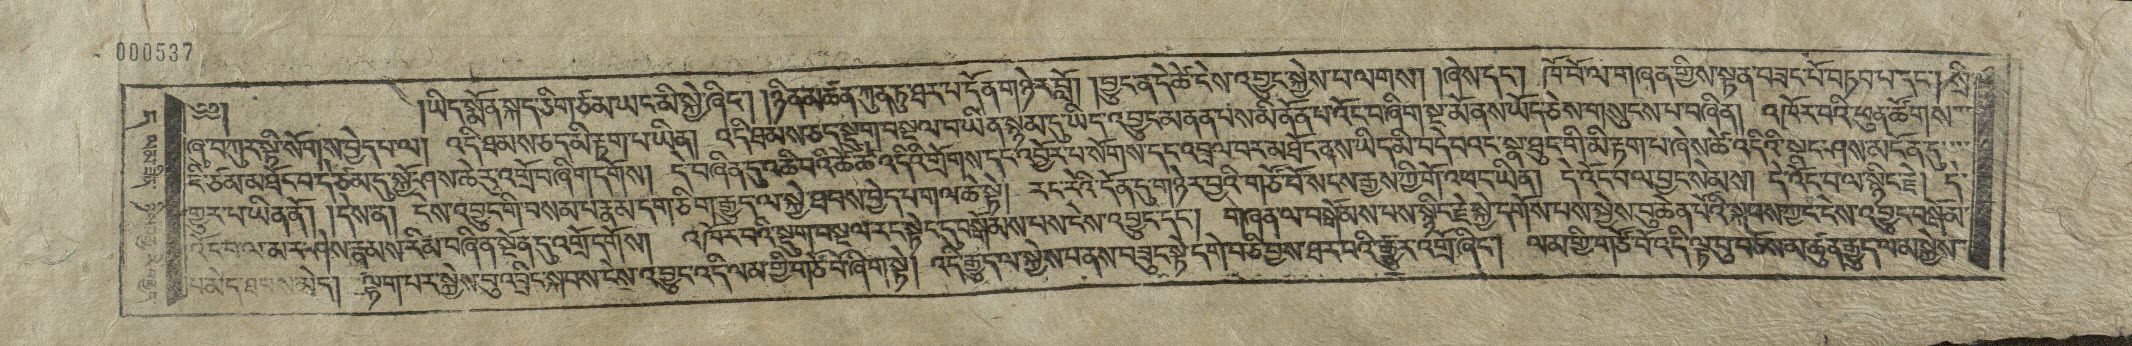༄༅། །ཡིད་སྨོན་སྐད་ཅིག་ཙམ་ཡང་མི་སྐྱེ་ཞིང་། །ཉིན་མཚན་ཀུན་ཏུ་ཐར་པ་དོན་གཉེར་བློ། །བྱུང་ན་དེ་ཚེ་ངེས་འབྱུང་སྐྱེས་པ་ལགས། །ཞེས་དང་། ཁོ་བོ་ལ་གཞན་གྱིས་སྟན་བཟང་པོ་བཏབ་པ་དང་། སྲི་
ཞུ་བཀུར་སྟི་སོགས་བྱེད་པ་ལ། འདི་ཐམས་ཅད་མི་རྟག་པ་ཡིན། འདི་ཐམས་ཅད་སྡུག་བསྔལ་བ་ཡིན་སྙམ་དུ་ཡིད་འབྱུང་མནན་པས་མི་ནོན་པ་འོང་བ་ཞིག་སྔ་མོ་ནས་ཡོད་ཅེས་གསུངས་པ་བཞིན། འཁོར་བའི་ཕུན་ཚོགས་
ཇི་ཙམ་མཐོང་བ་དེ་ཙམ་དུ་སྐྱོ་ཤས་ཆེ་རུ་འགྲོ་བ་ཞིག་དགོས། དེ་བཞིན་དུ་འཆི་བའི་ཚེ་ཚེ་འདིའི་གྲོགས་དང་འབྱོར་པ་སོགས་དང་འབྲལ་བར་མཐོང་ནས་ཡིད་མི་བདེ་བའང་སྣ་ཐུང་གི་མི་རྟག་པ་ཞེས་ཚེ་འདིའི་སྣང་ཤས་མངོན་དུ་
གྱུར་པ་ཡིན་ནོ། །དེས་ན། ངེས་འབྱུང་གི་བསམ་པ་རྣམ་དག་ཅིག་རྒྱུད་ལ་སྐྱེ་ཐབས་བྱེད་པ་གལ་ཆེ་སྟེ། རང་རེའི་དོན་དུ་གཉེར་བྱའི་གཙོ་བོ་སངས་རྒྱས་ཀྱི་གོ་འཕང་ཡིན། དེ་འོང་བ་ལ་བྱང་སེམས། དེ་འོང་བ་ལ་སྙིང་རྗེ། དེ་
འོང་བ་ལ་མར་ཤེས་རྣམས་རིམ་བཞིན་སྔོན་དུ་འགྲོ་དགོས། འཁོར་བའི་སྡུག་བསྔལ་རང་སྟེང་དུ་བསྒོམས་པས་ངེས་འབྱུང་དང་། གཞན་ལ་བསྒོམས་པས་སྙིང་རྗེ་སྐྱེ་དགོས་པས་སྐྱེས་བུ་ཆེན་པོའི་སྐབས་ཀྱང་ངེས་འབྱུང་བསྒོམ་
པ་མེད་ཐབས་མེད། ལྷག་པར་སྐྱེས་བུ་འབྲིང་སྐབས་ངེས་འབྱུང་འདི་ལམ་གྱི་གཙོ་བོ་ཞིག་སྟེ། འདི་རྒྱུད་ལ་སྐྱེས་པ་ནས་བཟུང་སྟེ་དགེ་བ་ཅི་བྱས་ཐར་པའི་རྒྱུར་འགྲོ་ཞིང་། ལམ་གྱི་གཙོ་བོ་འདི་ལྟ་བུ་བཅོས་མ་ཚུན་རྒྱུད་ལ་མ་སྐྱེས་